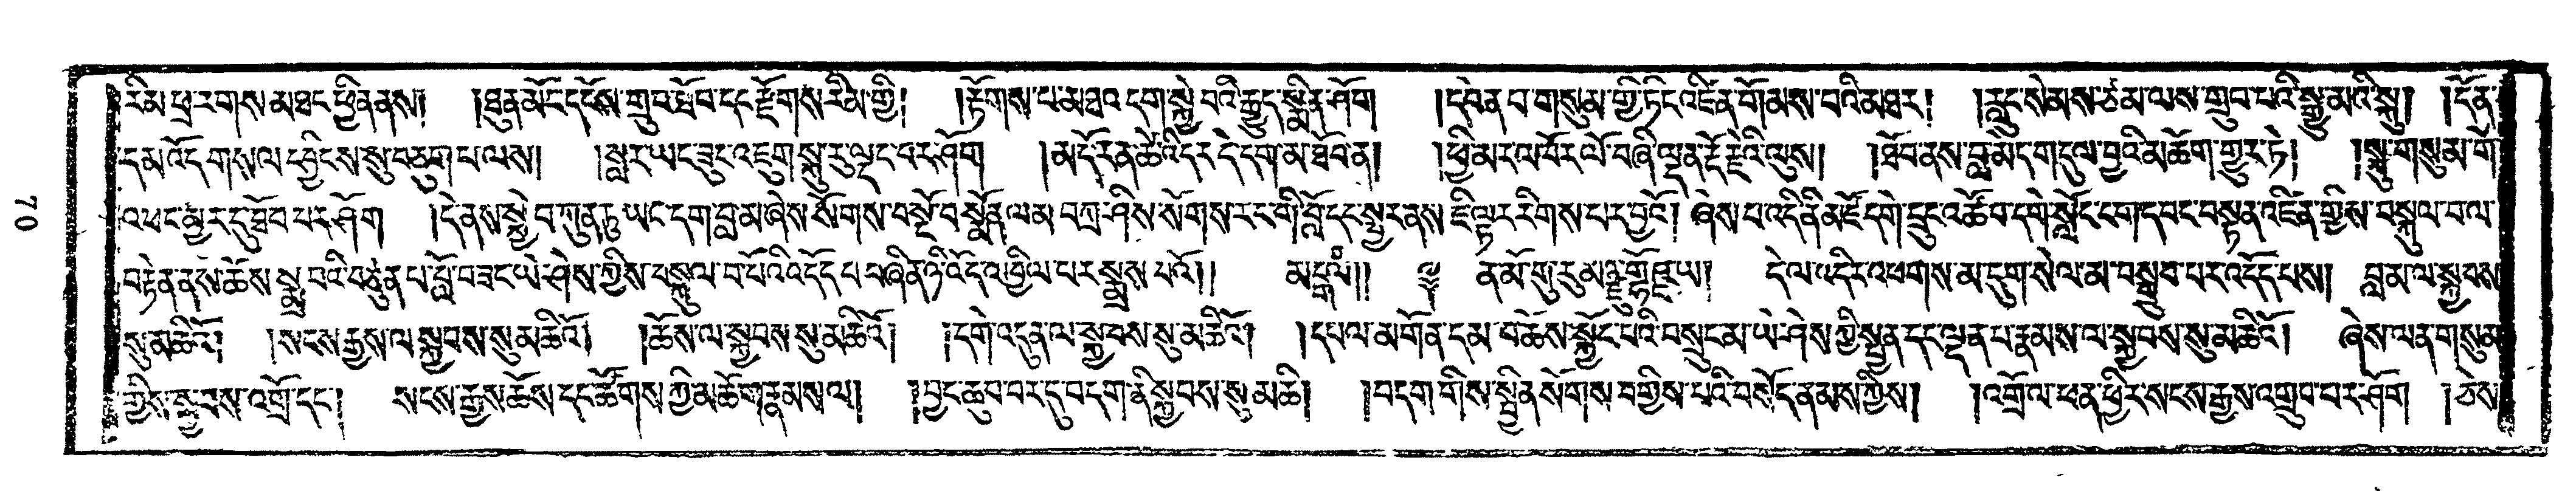རིམ་ཕྲ་རགས་མཐང་ཕྱིན་ནས། །ཐུན་མོང་དངོས་གྲུབ་ཐོབ་དང་རྫོགས་རིམ་གྱི། །རྟོགས་པ་མཐའ་དག་སྐྱེ་བའི་རྒྱུད་སྨིན་ཤོག །དབེན་པ་གསུམ་གྱི་ཏིང་འཛིན་གོམས་པའི་མཐར། །རླུང་སེམས་ཙམ་ལས་གྲུབ་པའི་སྒྱུ་མའི་སྐུ། །དོན་
དམ་འོད་གསལ་དབྱིངས་སུ་བཅུག་པ་ལས། །སླར་ཡང་ཟུང་འཇུག་སྐུ་རུ་ལྡང་བར་ཤོག །མདོར་ན་ཚེ་འདིར་དེ་དག་མ་ཐོབ་ན། །ཕྱི་མར་འཁོར་ལོ་བཞི་ལྡན་རྡོ་རྗེའི་ལུས། །ཐོབ་ནས་བླ་མེད་གདུལ་བྱའི་མཆོག་གྱུར་ཏེ། །སྐུ་གསུམ་གོ་
འཕང་མྱར་དུ་ཐོབ་པར་ཤོག །དེ་ནས་སྐྱེ་བ་ཀུན་ཏུ་ཡང་དག་བླ་མ་ཞེས་སོགས་བསྔོ་བ་སྨོན་ལམ་བཀྲ་ཤིས་སོགས་རང་གི་བློ་དང་སྤྱར་ནས་ཇི་ལྟར་རིགས་པར་བྱའོ། །ཞེས་པ་འདི་ནི་མཛོ་དགེ་དྲུང་འཚོ་བ་དགེ་སློང་ངག་དབང་བསྟན་འཛིན་གྱིས་བསྐུལ་བ་ལ་
བརྟེན་ནས་ཆོས་སྨྲ་བའི་བཙུན་པ་བློ་བཟང་ཡེ་ཤེས་ཀྱིས་བསྐུལ་བ་པོའི་འདོད་པ་བཞིན་ཉི་འོད་ལ་བྱིལ་པར་སྨྲས་པའོ།། མངྒལཾ།། ༈ ན་མོ་གུ་རུ་མཉྫུ་གྷོ་ཥྭ་ཡ། དེ་ལ་འདིར་འཕགས་མ་དུག་སེལ་མ་བསྒྲུབ་པར་འདོད་པས། །བླ་མ་ལ་སྐྱབས་
སུ་མཆིའོ། །སངས་རྒྱས་ལ་སྐྱབས་སུ་མཆིའོ། །ཆོས་ལ་སྐྱབས་སུ་མཆིའོ། །དགེ་འདུན་ལ་སྐྱབས་སུ་མཆིའོ། །དཔལ་མགོན་དམ་པ་ཆོས་སྐྱོང་བའི་བསྲུང་མ་ཡེ་ཤེས་ཀྱི་སྤྱན་དང་ལྡན་པ་རྣམས་ལ་སྐྱབས་སུ་མཆིའོ། ཞེས་ལན་གསུམ་
གྱིས་སྐྱབས་འགྲོ་དང་། །སངས་རྒྱས་ཆོས་དང་ཚོགས་ཀྱི་མཆོག་རྣམས་ལ། །བྱང་ཆུབ་བར་དུ་བདག་ནི་སྐྱབས་སུ་མཆི། །བདག་གིས་སྦྱིན་སོག་བགྱིས་པའི་བསོད་ནམས་ཀྱིས། །འགྲོ་ལ་ཕན་ཕྱིར་སངས་རྒྱས་འགྲུབ་པར་ཤོག །ཅེས་